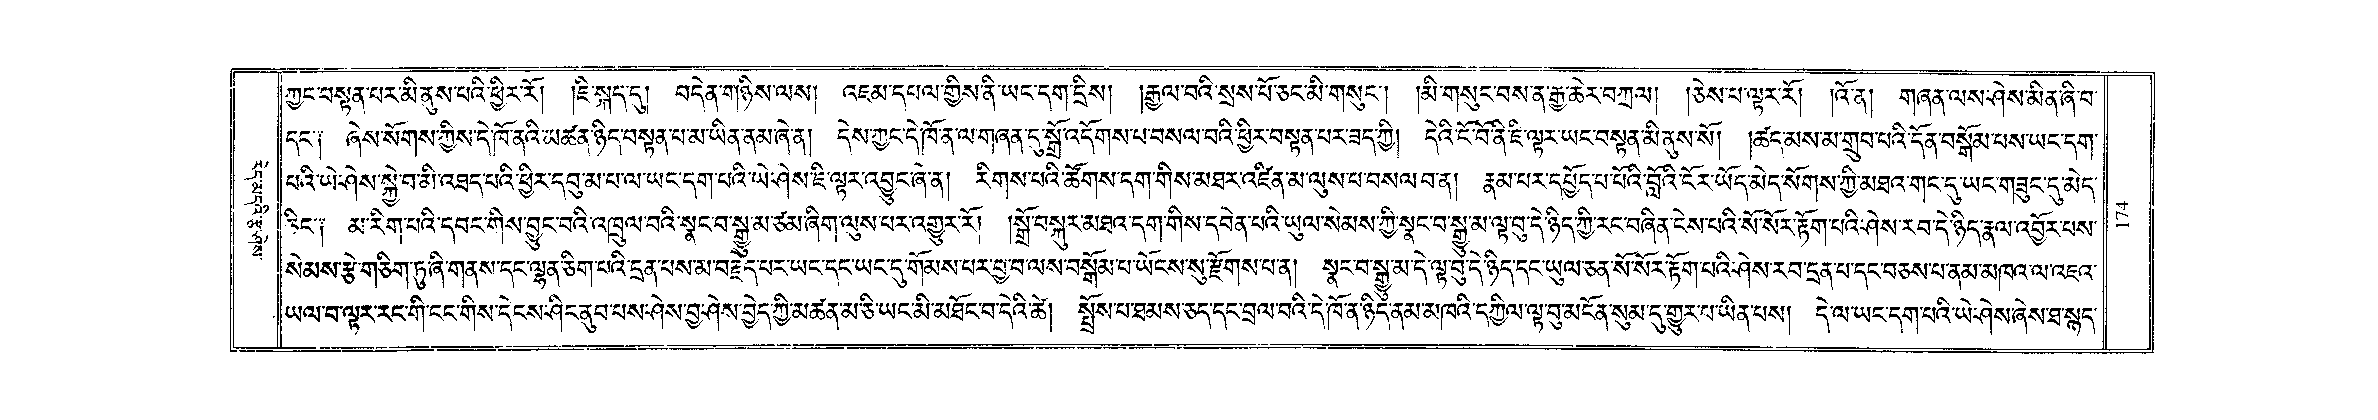ཀྱང་བསྟན་པར་མི་ནུས་པའི་ཕྱིར་རོ། །ཇི་སྐད་དུ། བདེན་གཉིས་ལས། འཇམ་དཔལ་གྱིས་ནི་ཡང་དག་དྲིས། །རྒྱལ་བའི་སྲས་པོ་ཅང་མི་གསུང་། །མི་གསུང་བས་ན་རྒྱ་ཆེར་བཀྲལ། །ཅེས་པ་ལྟར་རོ། །འོ་ན། གཞན་ལས་ཤེས་མིན་ཞི་བ་
དང༑ ཞེས་སོགས་ཀྱིས་དེ་ཁོ་ནའི་མཚན་ཉིད་བསྟན་པ་མ་ཡིན་ནམ་ཞེ་ན། དེས་ཀྱང་དེ་ཁོ་ན་ལ་གཞན་དུ་སྒྲོ་འདོགས་པ་བསལ་བའི་ཕྱིར་བསྟན་པར་ཟད་ཀྱི། དེའི་ངོ་བོ་ནི་ཇི་ལྟར་ཡང་བསྟན་མི་ནུས་སོ། །ཚད་མས་མ་གྲུབ་པའི་དོན་བསྒོམ་པས་ཡང་དག་
པའི་ཡེ་ཤེས་སྐྱེ་བ་མི་འཐད་པའི་ཕྱིར་དབུ་མ་པ་ལ་ཡང་དག་པའི་ཡེ་ཤེས་ཇི་ལྟར་འབྱུང་ཞེ་ན། རིགས་པའི་ཚོགས་དག་གིས་མཐར་འཛིན་མ་ལུས་པ་བསལ་བ་ན། རྣམ་པར་དཔྱོད་པ་པོའི་བློའི་ངོར་ཡོད་མེད་སོགས་ཀྱི་མཐའ་གང་དུ་ཡང་གཟུང་དུ་མེད་
ཅིང༑ མ་རིག་པའི་དབང་གིས་བྱུང་བའི་འཁྲུལ་བའི་སྣང་བ་སྒྱུ་མ་ཙམ་ཞིག་ལུས་པར་འགྱུར་རོ། །སྒྲོ་བསྐུར་མཐའ་དག་གིས་དབེན་པའི་ཡུལ་སེམས་ཀྱི་སྣང་བ་སྒྱུ་མ་ལྟ་བུ་དེ་ཉིད་ཀྱི་རང་བཞིན་ངེས་པའི་སོ་སོར་རྟོག་པའི་ཤེས་རབ་དེ་ཉིད་རྣལ་འབྱོར་པས་
སེམས་རྩེ་གཅིག་ཏུ་ཞི་གནས་དང་ལྷན་ཅིག་པའི་དྲན་པས་མ་བརྗེད་པར་ཡང་དང་ཡང་དུ་གོམས་པར་བྱ་བ་ལས་བསྒོམ་པ་ཡོངས་སུ་རྫོགས་པ་ན། སྣང་བ་སྒྱུ་མ་དེ་ལྟ་བུ་དེ་ཉིད་དང་ཡུལ་ཅན་སོ་སོར་རྟོག་པའི་ཤེས་རབ་དྲན་པ་དང་བཅས་པ་ནམ་མཁའ་ལ་འཇའ་
ཡལ་བ་ལྟར་རང་གི་ངང་གིས་དེངས་ཤིང་ནུབ་པས་ཤེས་བྱ་ཤེས་བྱེད་ཀྱི་མཚན་མ་ཅི་ཡང་མི་མཐོང་བ་དེའི་ཚེ། སྤྲོས་པ་ཐམས་ཅད་དང་བྲལ་བའི་དེ་ཁོ་ན་ཉིད་ནམ་མཁའི་དཀྱིལ་ལྟ་བུ་མངོན་སུམ་དུ་གྱུར་པ་ཡིན་པས། དེ་ལ་ཡང་དག་པའི་ཡེ་ཤེས་ཞེས་ཐ་སྙད་